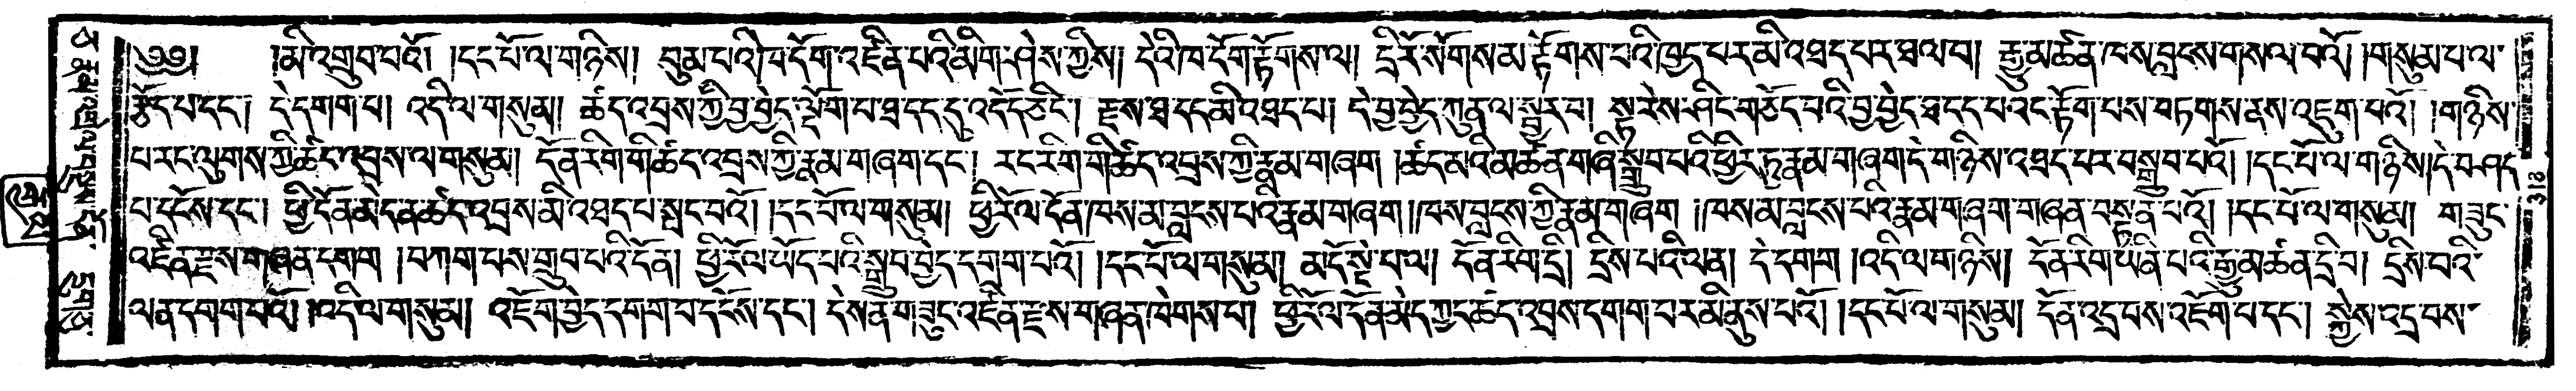༄༅། །མི་འགྲུབ་པའོ། །དང་པོ་ལ་གཉིས། བུམ་པའི་ཁ་དོག་འཛིན་པའི་མིག་ཤེས་ཀྱིས། དེའི་ཁ་དོག་རྟོགས་ལ། དྲི་རོ་སོགས་མ་རྟོགས་པའི་ཁྱད་པར་མི་འཐད་པར་ཐལ་བ། རྒྱུ་མཚན་ཁས་བླངས་གསལ་བའོ། །གསུམ་པ་ལ་
རྩོད་པ་དང་། དེ་དགག་པ། འདི་ལ་གསུམ། ཚད་འབྲས་ཀྱི་བྱ་བྱེད་ལྡོག་པ་ཐ་དད་དུ་འདོད་ཅིང་། རྫས་ཐ་དད་མི་འཐད་པ། དེ་བྱ་བྱེད་ཀུན་ལ་སྦྱར་བ། སྟ་རེས་ཤིང་གཅོད་པའི་བྱ་བྱེད་ཐ་དད་པའང་རྟོག་པས་བཏགས་ནས་འཇུག་པའོ། །གཉིས་
པ་རང་ལུགས་ཀྱི་ཚང་འབྲས་ལ་གསུམ། དོན་རིག་གི་ཚང་འབྲས་ཀྱི་རྣམ་གཞག་དང་། རང་རིག་གི་ཚད་འབྲས་ཀྱི་རྣམ་གཞག །ཚད་མའི་མཚན་གཞི་སྒྲུབ་པའི་ཕྱིར་ཏུ་རྣམ་གཞག་དེ་གཉིས་འཐད་པར་བསྒྲུབ་པའོ། །དང་པོ་ལ་གཉིས། དེ་བཤད་
པ་དངོས་དང་། ཕྱི་དོན་མེད་ན་ཚད་འབྲས་མི་འཐད་པ་སྤང་པའོ། །དང་པོ་ལ་གསུམ། ཕྱི་རོལ་དོན་ཁས་མ་བླངས་པའི་རྣམ་གཞག །ཁས་བླངས་ཀྱི་རྣམ་གཞག །ཁས་མ་བླངས་པའི་རྣམ་གཞག་གཞན་བསྟན་པའོ། །དང་པོ་ལ་གསུམ། གཟུང་
འཛིན་རྫས་གཞན་དགག །བཀག་པས་གྲུབ་པའི་དོན། ཕྱི་རོལ་ཡོད་པའི་སྒྲུབ་བྱེད་དགག་པའོ། །དང་པོ་ལ་གསུམ། མདོ་སྡེ་པ་ལ། དོན་རིག་དྲི། དྲིས་པའི་ལན། དེ་དགག །འདི་ལ་གཉིས། དོན་རིག་ཡིན་པའི་རྒྱུ་མཚན་དྲི་བ། དྲིས་པའི་
ལན་དགག་པའོ། །འདི་ལ་གསུམ། འཇོག་བྱེད་དགག་པ་དངོས་དང་། དེས་ན་གཟུང་འཛིན་རྫས་གཞན་ཁེགས་པ། ཕྱི་རོལ་དོན་མེད་ཀྱང་ཚད་འབྲས་དགག་པར་མི་ནུས་པའོ། །དང་པོ་ལ་གསུམ། དོན་འདྲ་བས་འཇོག་པ་དང་། སྐྱེས་འདྲ་བས་